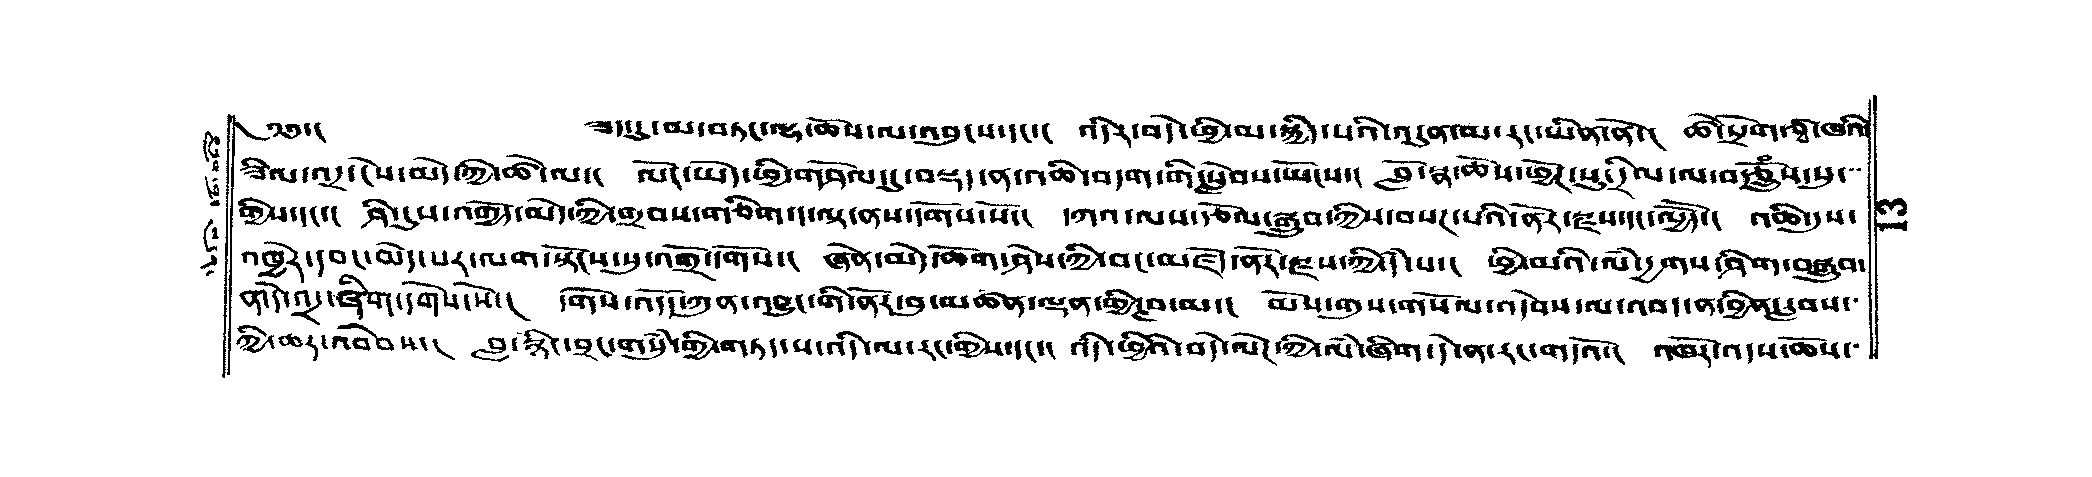ཟད་དུ་མ་བཏང་ལྷ་ཆོས་ལ་འབུངས་དང་། །འདིར་བདེ་ཕྱི་མ་སྐྱིད་པའི་བདུན་མ་རང་ཡིན་ནོ། །ཚེ་སྲོག་རྩྭ་ཁའི་
ཟིལ་འདྲ་ངེས་མེད་ཀྱི་ཚེ་ལ། །ལོང་ཡོད་ཕྱི་བཤོལ་དུ་བསྡད་ན་འཆི་བདག་གི་སླེབས་ཡོང་། །བློ་སྣ་ཆོས་ཕྱོགས་སུ་དྲིལ་ལ་བརྩོན་འགྲུས་སུ་
གྱིས་དང་། །ཤི་དུས་འགྱོད་མེད་ཀྱི་གྲབས་གཅིག་ད་ལྟ་ནས་དགོས་སོ། །དཀའ་ལས་བརྩོལ་སྒྲུབ་ཀྱིས་བསགས་པའི་ནོར་རྫས་དང་ལོངས་སྤྱོད། །འཆི་དུས་
འཁྱེར་དབང་མེད་པར་ལག་སྟོངས་སུ་འགྲོ་དགོས། །ཞེན་མེད་ཆོག་ཤེས་ཀྱི་བང་མཛོད་ནོར་རྫས་ཀྱི་དམ་པ། །ཕྱི་མའི་ལམ་རྒྱགས་ཤིག་བསྒྲུབ་
ན་དེ་འདྲ་ཞིག་དགོས་སོ།དགོས་འདོད་ཀུན་འབྱུང་གི་ནོར་བུ་མཚོན་ལྡན་གྱི་བླ་མ། མོས་གུས་གསུལ་འདེབས་ལ་འབད་ན་བྱིན་རླབས་
ཀྱི་ཆར་འདེབས། །གློ་རྙིང་བྲང་གསུམ་གྱི་གཏད་ས་འདི་ལ་རང་བགྱིད་དང་། །འདི་ཕྱིའི་བདེ་ལེགས་ཀྱི་ལམ་ཞིག་དེ་ན་རང་གདའོ། །འཁོར་འདས་